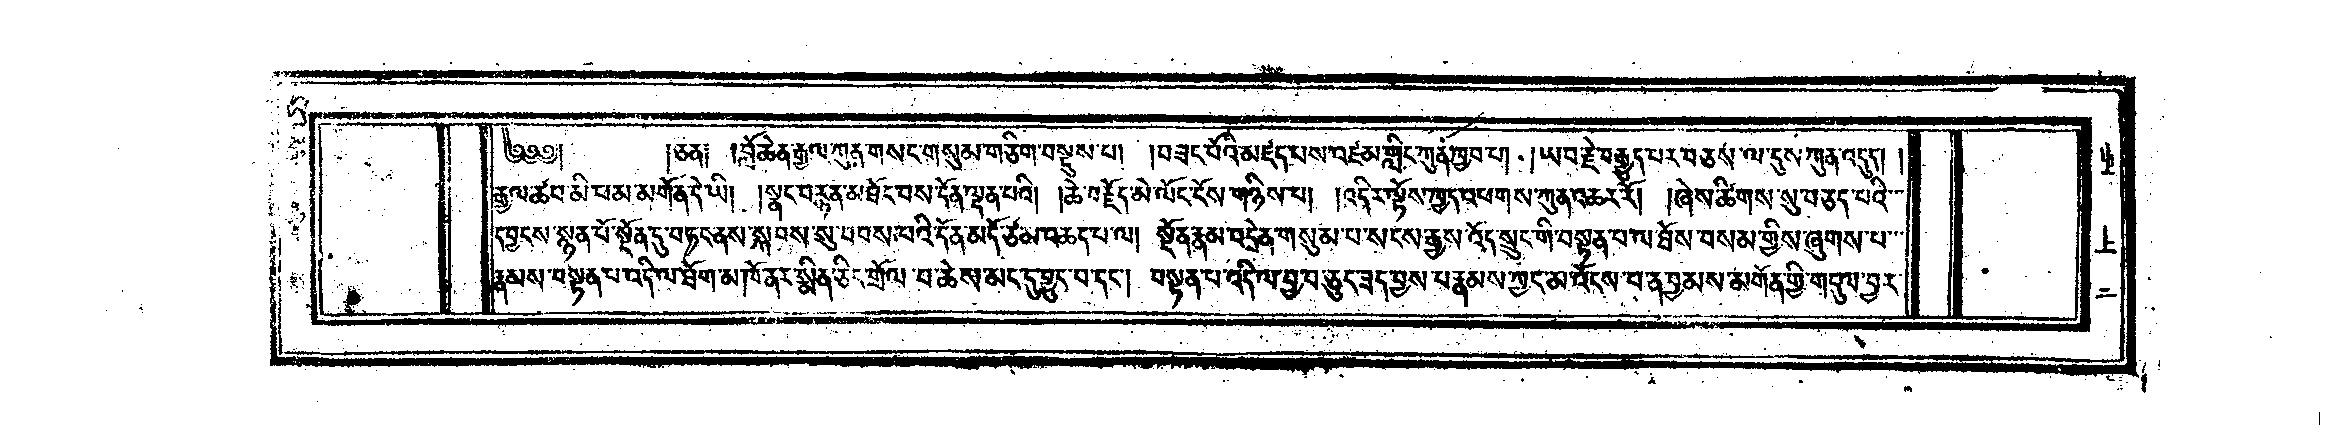༄༅༅། །ཅན༑ ༑བློ་ཆེན་རྒྱལ་ཀུན་གསང་གསུམ་གཅིག་བསྡུས་པ། །བཟང་པོའི་མཛད་པས་འཛམ་གླིང་ཀུན་ཁྱབ་པ། །ཡབ་རྗེ་བརྒྱུད་པར་བཅས་ལ་དུས་ཀུན་འདུད། །
རྒྱལ་ཚབ་མི་ཕམ་མགོན་དེ་ཡི། །སྣང་བརྙན་མཐོང་བས་དོན་ལྡན་པའི། །ཆེ་བརྗོད་མེ་ལོང་ངོས་གཉིས་པ། །འདིར་ལྟོས་ཁྱད་འཕགས་ཀུན་འཆར་རོ། །ཞེས་ཚིགས་སུ་བཅད་པའི་
དབྱངས་སྙན་པོ་སྔོན་དུ་བཏང་ནས་སྐབས་སུ་བབས་པའི་དོན་མདོ་ཙམ་འཆད་པ་ལ། སྔོན་རྣམ་འདྲེན་གསུམ་པ་སངས་རྒྱས་འོད་སྲུང་གི་བསྟན་པ་ལ་ཐོས་བསམ་གྱིས་ཞུགས་པ་
རྣམས་བསྟན་པ་འདི་ལ་ཐོག་མ་ཁོ་ནར་སྨིན་ཅིང་གྲོལ་བ་ཆེས་མང་དུ་བྱུང་བ་དང་། བསྟན་པ་འདི་ལ་བྱ་བ་ཅུང་ཟད་བྱས་པ་རྣམས་ཀྱང་མ་འོངས་པ་ན་བྱམས་མགོན་གྱི་གདུལ་བྱར་